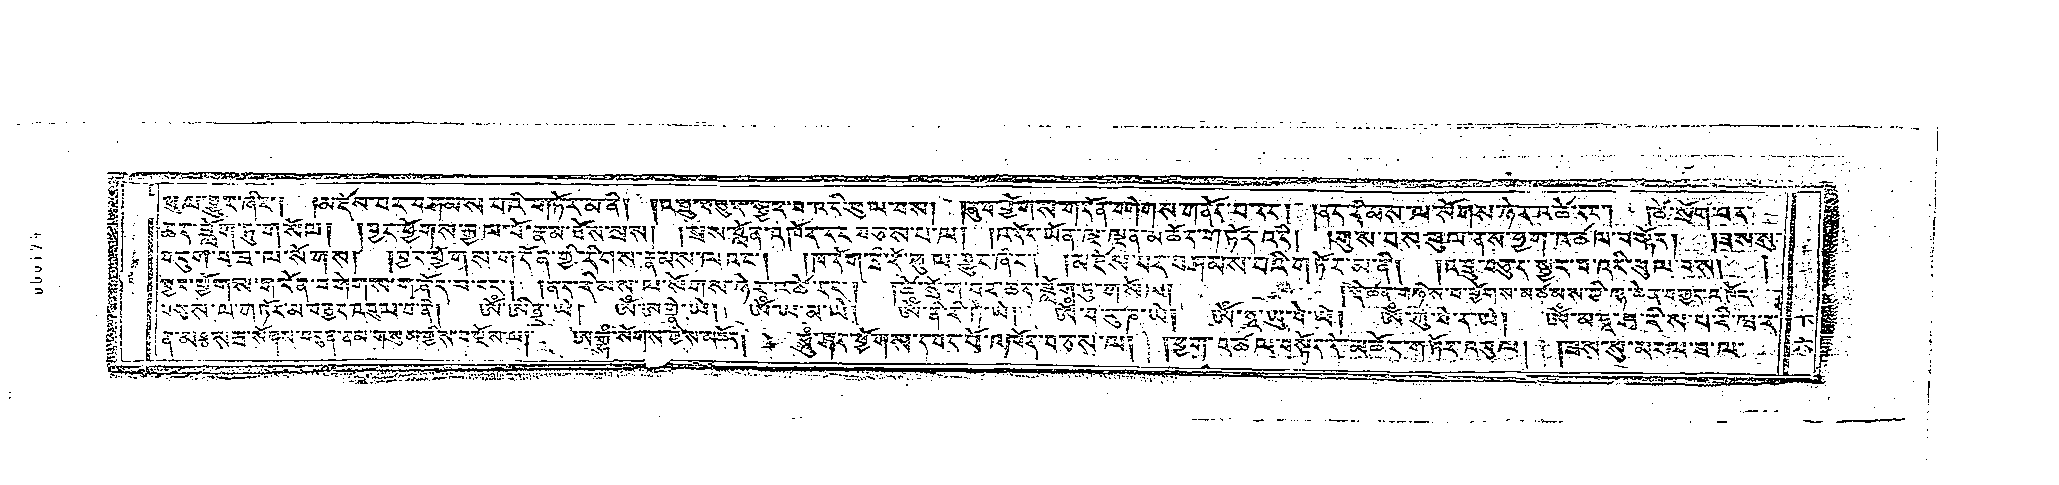ཕུལ་བྱུང་ཞིང་། །མཛེས་པར་བཤམས་པའི་གཏོར་མ་ནི། །འབྲུ་བཅུད་སྦྱར་བ་འདི་ཕུལ་བས། ནུབ་ཕྱོགས་གདོན་བགེགས་གནོད་པ་དང་། །ནད་རིམས་ལ་སོགས་ཉེར་འཚེ་དང་། །ཚེ་སྲོག་བར་
ཆད་ཟློག་ཏུ་གསོལ། །བྱང་ཕྱོགས་རྒྱལ་པོ་རྣམ་ཐོས་སྲས། །སྲས་བློན་འཁོར་དང་བཅས་པ་ལ། །འདོད་ཡོན་ལྔ་ལྡན་མཆོད་གཏོར་འདི། །གུས་པས་ཕུལ་ནས་ཕྱག་འཚལ་བསྟོད། །ཟས་སུ་
བདུག་བ་ཟ་ལ་སོགས། །བྱང་ཕྱོགས་གདོན་གྱི་རིགས་རྣམས་ལའང་། །ཁ་དོག་དྲི་རོ་ཕུལ་བྱུང་ཞིང་། །མཛེས་པར་བཤམས་པའི་གཏོར་མ་ནི། །འབྲུ་བཅུད་སྦྱར་བ་འདི་ཕུལ་བས། །
བྱང་ཕྱོགས་གདོན་བགེགས་གནོད་པ་དང་། །ནད་རིམས་ལ་སོགས་ཉེར་འཚེ་དང་། །ཚེ་སྲོག་བར་ཆད་ཟློག་ཏུ་གསོལ། །སྡེ་ཚན་གཉིས་པ་ཕྱོགས་མཚམས་ཀྱི་ལྷ་ཆེན་བརྒྱད་འཁོར་
བཅས་ལ་གཏོར་མ་བརྒྱད་འབུལ་བ་ནི། ཨོཾ་ཨིནྡྲ་ཡེ། ཨོཾ་ཨགནེ་ཡེ། ཨོཾ་ཡ་མ་ཡེ། ཨོཾ་ནི་རི་ཏེ་ཡེ། ཨོཾ་མ་རུ་ཎ་ཡེ། ཨོཾ་བཱ་ཡུ་བེ་ཡེ། ཨོཾ་ཀུ་བེ་ར་ཡེ། ཨོཾ་མ་ཧཱ་ཤྭ་རི་ས་པ་རི་ཝར་
ནམཿ་སརྦ་སོགས་བདུན་ན་མ་གསུམ་གྱིས་བསྡོས་ལ། ཨརྒྷཾ་སོགས་གྱིས་མཆོད། ཧཱུཾ་ཤར་ཕྱོགས་དབང་པོ་འཁོར་བཅས་ལ། །ཕྱག་འཚལ་བསྟོད་དེ་མཆོད་གཏོར་འབུལ། །ཟས་སུ་མངལ་ཟ་ལ་